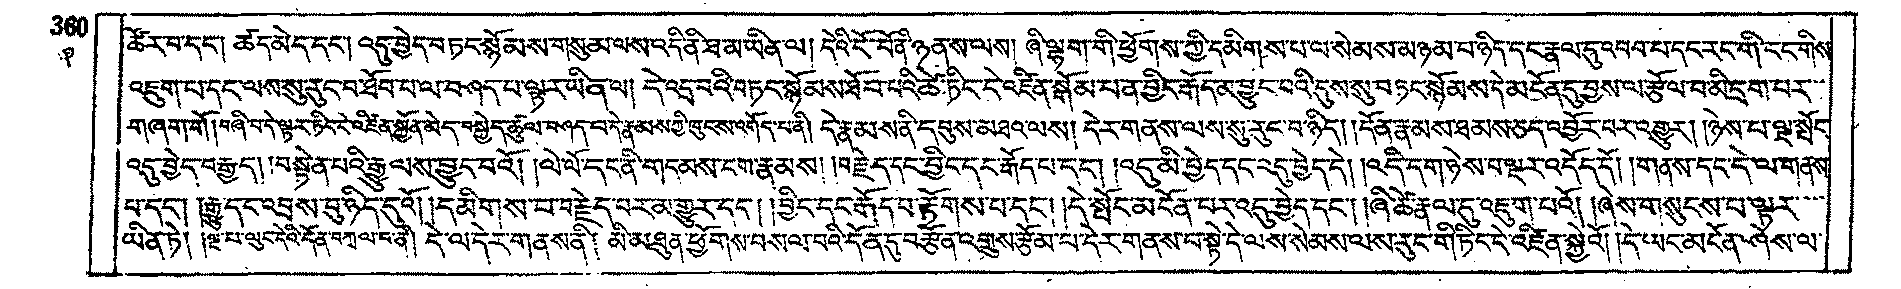ཚོར་བ་དང་། ཚད་མེད་དང་། འདུ་བྱེད་བཏང་སྙོམས་གསུམ་ལས་འདི་ནི་ཐ་མ་ཡིན་ལ། དེའི་ངོ་བོ་ནི་ཉན་ས་ལས། ཞི་ལྷག་གི་ཕྱོགས་ཀྱི་དམིགས་པ་ལ་སེམས་མཉམ་པ་ཉིད་དང་རྣལ་དུ་འབབ་པ་དང་རང་གི་ངང་གིས་
འཇུག་པ་དང་ལས་སུ་རུང་བ་ཐོབ་པ་ལ་བཤད་པ་ལྟར་ཡིན་ལ། དེ་འདྲ་བའི་བཏང་སྙོམས་ཐོབ་པའི་ཚེ་ཏིང་ངེ་འཛིན་སྒོམ་པ་ན་བྱིང་རྒོད་མ་བྱུང་བའི་དུས་སུ་བཏང་སྙོམས་དེ་མངོན་དུ་བྱས་ལ་རྩོལ་བ་མི་དྲག་པར་
གཞག་གོ་།བཞི་པ་དེ་ལྟར་ཏིང་ངེ་འཛིན་སྐྱོན་མེད་བསྐྱེད་ཚུལ་བཤད་པ་དེ་རྣམས་ཀྱི་ཁུངས་འགོད་པ་ནི།  དེ་རྣམས་ནི་དབུས་མཐའ་ལས། དེར་གནས་ལས་སུ་རུང་བ་ཉིད། །དོན་རྣམས་ཐམས་ཅད་འབྱོར་པར་འགྱུར། །ཉེས་པ་ལྔ་སྤོང་
འདུ་བྱེད་བརྒྱད། །བསྟེན་པའི་རྒྱུ་ལས་བྱུང་བའོ། །ལེ་ལོ་དང་ནི་གདམས་ངག་རྣམས། །བརྗེད་དང་བྱིང་དང་རྒོད་པ་དང་། འདུ་མི་བྱེད་དང་འདུ་བྱེད་དེ། །འདི་དག་ཉེས་པ་ལྔར་འདོད་དོ། །གནས་དང་དེ་ལ་གནས་
པ་དང་། །རྒྱུ་དང་འབྲས་བུ་ཉིད་དུའོ། །དམིགས་པ་བརྗེད་པར་མ་གྱུར་དང་། །བྱིང་དང་རྒོད་པ་རྟོགས་པ་དང་། །དེ་སྤོང་མངོན་པར་འདུ་བྱེད་དང་། །ཞི་ཚེ་རྣལ་དུ་འཇུག་པའོ། །ཞེས་གསུངས་པ་ལྟར་
ཡིན་ཏེ། །ལྔ་པ་ལུང་དེའི་དོན་བཀྲལ་བ་ནི།  དེ་ལ་དེར་གནས་ནི། མི་མཐུན་ཕྱོགས་བསལ་བའི་དོན་དུ་བརྩོན་འགྲུས་ཙོམ་པ་དེར་གནས་པ་སྟེ་དེ་ལས་སེམས་ལས་རུང་གི་ཏིང་ངེ་འཛིན་སྐྱེའོ། །དེ་ཡང་མངོན་ཤེས་ལ་